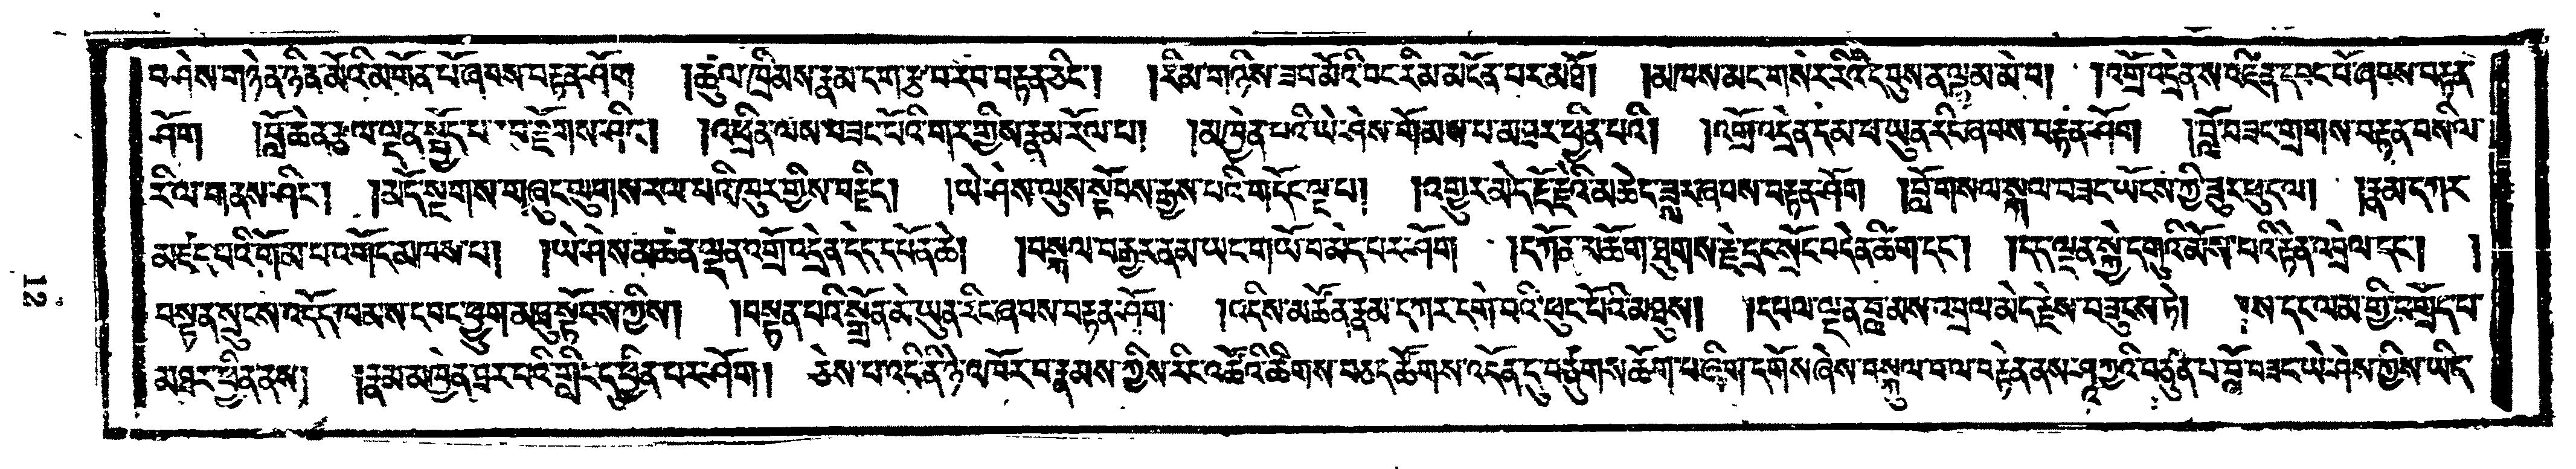བཤེས་གཉེན་ཉིན་མོའི་མགོན་པོ་ཞབས་བརྟན་ཤོག །ཚུལ་ཁྲིམས་རྣམ་དག་རྩ་བ་རབ་བརྟན་ཅིང་། །རིམ་གཉིས་ཟབ་མོའི་བང་རིམ་མངོན་པར་མཐོ། །མཁས་མང་གསེར་རིའི་དབུས་ན་ལྷམ་མེ་བ། །འགྲོ་འདྲེན་ས་འཛིན་དབང་པོ་ཞབས་བརྟན་
ཤོག །བློ་ཆེན་རྩལ་ལྡན་སྤྱོད་པ་རབ་རྫོགས་ཤིང་། །འཕྲིན་ལས་བཟང་པོའི་གར་གྱིས་རྣམ་རོལ་པ། །མཁྱེན་པའི་ཡེ་ཤེས་གོམས་པ་མཐར་ཕྱིན་པའི། །འགྲོ་འདྲེན་དམ་པ་ཡུན་རིང་ཞབས་བརྟན་ཤོག །བློ་བཟང་གྲགས་བརྟན་བསིལ་
རི་ལ་གནས་ཤིང་། །མདོ་སྔགས་གཞུང་ལུགས་རལ་པའི་ཁུར་གྱིས་བརྗིད། །ཡེ་ཤེས་ལུས་སྟོབས་རྒྱས་པའི་གདོང་ལྔ་པ། །འགྱུར་མེད་རྡོ་རྗེའི་མཆེད་ཟླར་ཞབས་བརྟན་ཤོག། །བློ་གསལ་སྐལ་བཟང་ཡོངས་ཀྱི་ཟུར་ཕུད་ལ། །རྣམ་དཀར་
མཛད་པའི་གོམ་པ་འགོད་མཁས་པ། །ཡེ་ཤེས་མཚན་ལྡན་འགྲོ་འདྲེན་དེད་དཔོན་ཆེ། །བསྐལ་བརྒྱར་ནམ་ཡང་གཡོ་བ་མེད་པར་ཤོག །དཀོན་མཆོག་ཐུགས་རྗེ་དྲང་སྲོང་བདེན་ཚིག་དང་། །དད་ལྡན་སྐྱེ་དགུའི་མོས་པའི་རྟེན་འབྲེལ་དང།།
བསྟན་སྲུངས་འདོད་ཁམས་དབང་ཕྱུག་མཐུ་སྟོབས་ཀྱིས། །བསྟན་པའི་སྒྲོན་མེ་ཡུན་རིང་ཞབས་བརྟན་ཤོག། །འདིས་མཚོན་རྣམ་དཀར་དགེ་བའི་ཕུང་པོའི་མཐུས། །དཔལ་ལྡན་བླ་མས་འབྲལ་མེད་རྗེས་བཟུངས་ཏེ། །ས་དང་ལམ་གྱི་བགྲོད་པ་
མཐར་ཕྱིན་ནས། །རྣམ་མཁྱེན་ཐར་པའི་གླིང་དུ་ཕྱིན་པར་ཤོག། ཅེས་པ་འདི་ནི་ཉེ་འཁོར་བ་རྣམས་ཀྱིས་རིང་འཚོའི་ཚིགས་བཅད་ཚོགས་འདོན་དུ་བཙུགས་ཆོག་པ་ཞིག་དགོས་ཞེས་བསྐུལ་བ་ལ་བརྟེན་ནས་ཤཱཀྱའི་བཙུན་པ་བློ་བཟང་ཡེ་ཤེས་ཀྱིས་ཡིད་